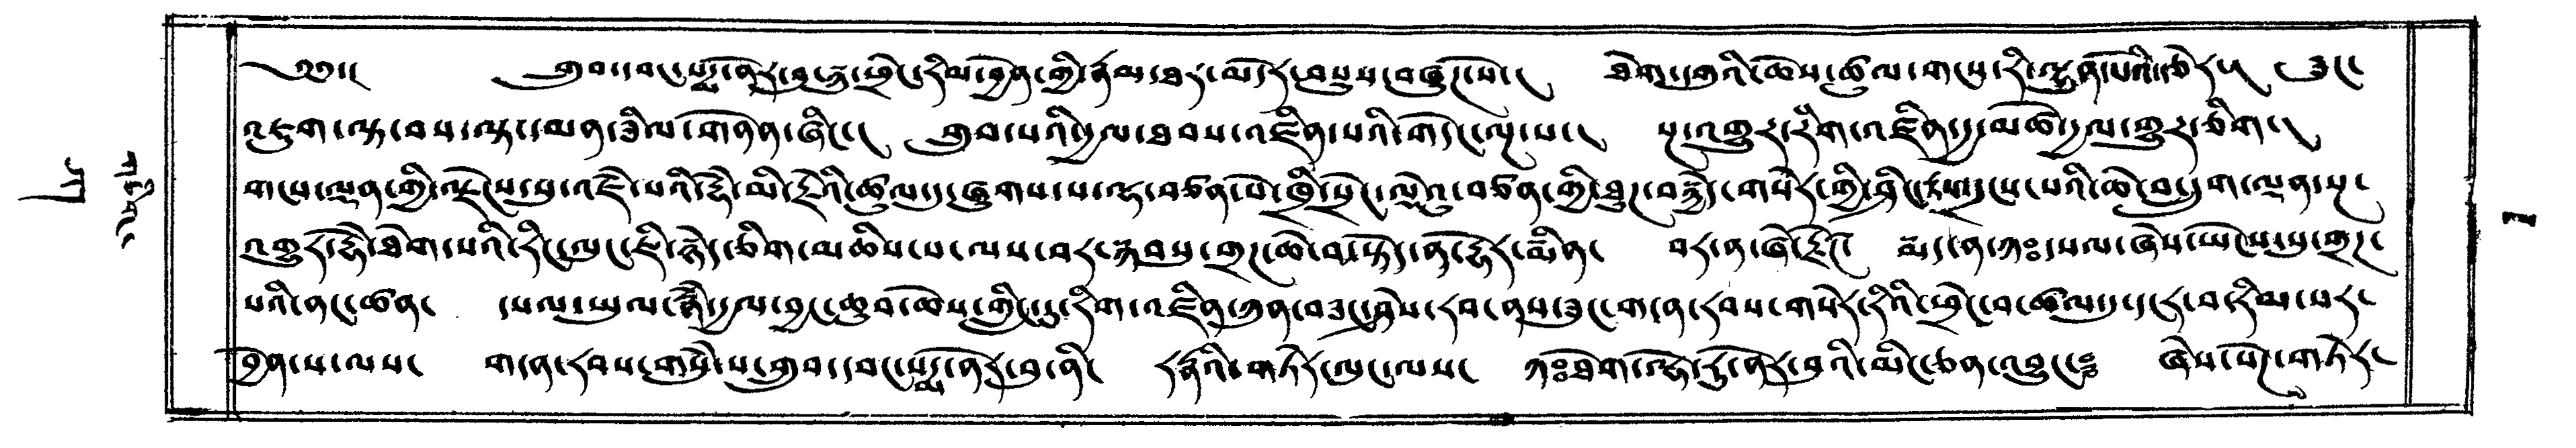གྲུབ་དབང་པདྨ་ནོར་བུ་སྐུ་ཕྲེང་རིམ་བྱོན་གྱི་རྣམ་ཐར་མདོར་བསྡུས་བཞུགས་སོ།། ཐེག་དགུའི་ཆོས་ཚུལ་གངས་རི་ལྷུན་པོའི་རྩེར། །ཟུང་
འཇུག་ལྟ་བས་ལྟ་དམན་ཟིལ་གནོན་ཞིང་། །གྲུབ་པའི་རྒྱལ་ཐབས་འཛིན་པའི་གདོང་ལྔ་པ། །སྔ་འགྱུར་རིག་འཛིན་རྒྱ་མཚོ་རྒྱལ་གྱུར་ཅིག 
གངས་ལྡན་གྱི་ལྗོངས་སུ་འཇམ་པའི་རྡོ་རྗེ་མི་རྗེའི་ཚུལ་དུ་ཞུགས་པ་ལྷ་བཙན་པོ་ཁྲི་སྲོང་ལྡེའུ་བཙན་གྱི་ཐུགས་བསྐྱེད་གསེར་གྱི་ཤིང་རྟས་དྲངས་པའི་ཆེ་བ་དྲུག་ལྡན་སྔ་
འགྱུར་རྡོ་རྗེ་ཐེག་པའི་རིང་ལུགས་ཇི་སྙེད་ཅིག་མཆིས་པ་ལས་བར་སྐབས་སུ་གྲགས་ཆེ་བ་སྟོད་ན་རྡོར་སྨིན། བར་ན་ཞེ་རྫོགས། སྨད་ན་ཀཿདཔལ་ཞེས་ཡོངས་སུ་གྲགས་
པའི་ནང་ཚན། དཔལ་ཡུལ་རྣམ་རྒྱལ་བྱང་ཆུབ་ཆོས་གླིང་དུ་རིག་འཛིན་ཀུན་བཟང་ཤེས་རབ་ནས་བཟུང་གདན་རབས་གསེར་རིའི་ཕྲེང་བ་ཚར་དུ་དངར་བ་རིམ་པར་
བྱོན་པ་ལས། གདན་རབས་གསུམ་པ་འགྲུབ་དབང་པདྨ་ནོར་བུ་ནི། རཏྣའི་གཏེར་ལུང་ལས། ཀཿཐོག་ལྷོ་རུ་ནོར་བུའི་མིང་ཅན་འབྱུང་། ཞེས་སོགས་གཏེར་